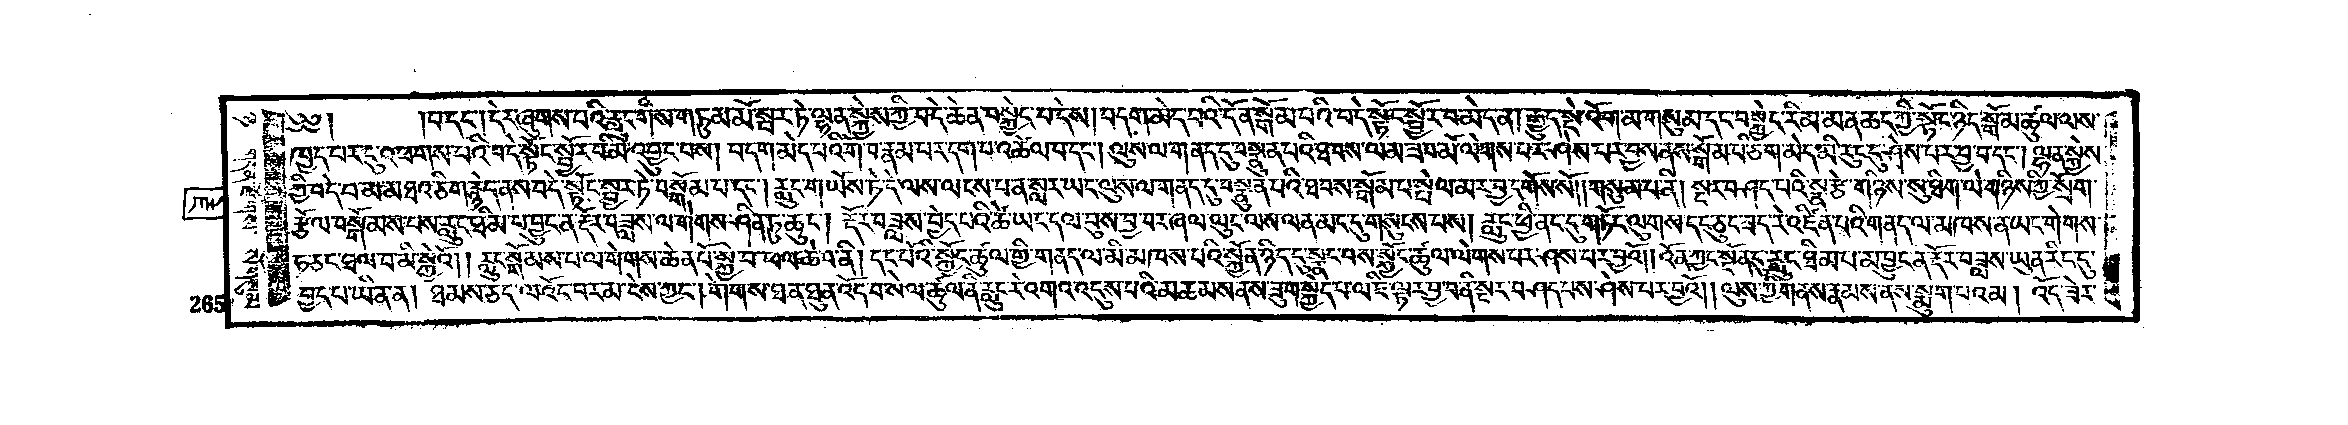༄༅། །པ་དང་། དེར་ཞུགས་པའི་རླུང་གིས་གཏུམ་མོ་སྦར་ཏེ་ལྷན་སྐྱེས་ཀྱི་བདེ་ཆེན་བསྐྱེད་པ་དེས། བདག་མེད་པའི་དོན་སྒོམ་པའི་བདེ་སྟོང་སྦྱོར་བ་མེད་ན། རྒྱུད་སྡེ་འོག་མ་གསུམ་དང་བསྐྱེད་རིམ་མན་ཆད་ཀྱི་སྟོང་ཉིད་སྒོམ་ཚུལ་ལས་
ཁྱད་པར་དུ་འཕགས་པའི་བདེ་སྟོང་སྦྱོར་བ་མི་འབྱུང་བས། བདག་མེད་པའི་གོ་བ་རྣ་པར་དག་པ་འཚེལ་བ་དང་། ལུས་ལ་གནད་དུ་བསྣུན་པའི་ཐབས་ལམ་ཟབ་མོ་ལེགས་པར་ཤེས་པར་བྱས་ནས་སྒོམ་པ་ཅིག་མེད་མི་རུང་དུ་ཤེས་པར་བྱ་བ་དང་། ལྷན་སྐྱེས་
ཀྱི་བདེ་བ་མ་མཐའ་ཅིག་རྙེད་ནས་བདེ་སྟོང་སྦྱར་ཏེ་བསྒོམ་པ་དང་། རླུང་གཡོས་ཏེ་དེ་ལས་ལངས་པ་ན་སླར་ཡང་ལུས་ལ་གནད་དུ་བསྣུན་པའི་ཐབས་སྒོམ་པ་སྤེལ་མར་བྱ་དགོས་སོ། །གསུམ་པ་ནི། སྔར་བཤད་པའི་སྣ་རྩེ་གཉིས་སུ་ཐིག་ལེ་གཉིས་ཀྱི་སྲོག་
རྩོལ་བསྒོམས་པས་རླུང་ཐིམ་པ་བྱུང་ན་རྡོར་བཟླས་ལ་གེགས་ཤིན་ཏུ་ཆུང་། རྡོར་བཟླས་བྱེད་པའི་ཚེ་ཡང་དལ་བུས་བྱ་བར་ཞལ་ལུང་ལས་ལན་མང་དུ་གསུངས་པས། རླུང་ཕྱི་ནང་དུ་གཏོང་ལུགས་དང་ཅུང་ཟད་རེ་འཛིན་པའི་གནད་ལ་མཁས་ན་ཡང་གེགས་
ཧ་ཅང་ཐལ་བ་མི་སྐྱེའོ། །རླུང་སྒོམས་པ་ལ་གེགས་ཆེན་པོ་སྐྱེ་བ་ཕལ་ཆེ་བ་ནི། དང་པོའི་སྐྱོང་ཚུལ་གྱི་གནད་ལ་མི་མཁས་པའི་སྐྱོན་ཉིད་དུ་སྣང་བས་སྐྱོང་ཚུལ་ལེགས་པར་ཤས་པར་བྱའོ། །འོན་ཀྱང་སྔོན་དུ་རླུང་ཐིམ་པ་མ་བྱུང་ན་རྡོར་བཟླས་ཡུན་རིང་དུ་
བྱད་པ་ཡིན་ན། ཐམས་ཅད་ལ་འོང་བར་མ་ངེས་ཀྱང་། གེགས་ཐེན་ཐུན་འོང་བ་སེལ་ཚུལ་ནི་རླུང་རེ་འགའ་འདུས་པའི་མཚམས་ནས་ཟུག་སྐྱེད་པ་ལ་ཇི་ལྟར་བྱ་བ་ནི་སྔར་བཤད་པས་ཤེས་པར་བྱའོ། །ལུས་ཀྱི་གནས་རྣམས་ནས་སྨུག་པའམ། འོད་ཟེར་